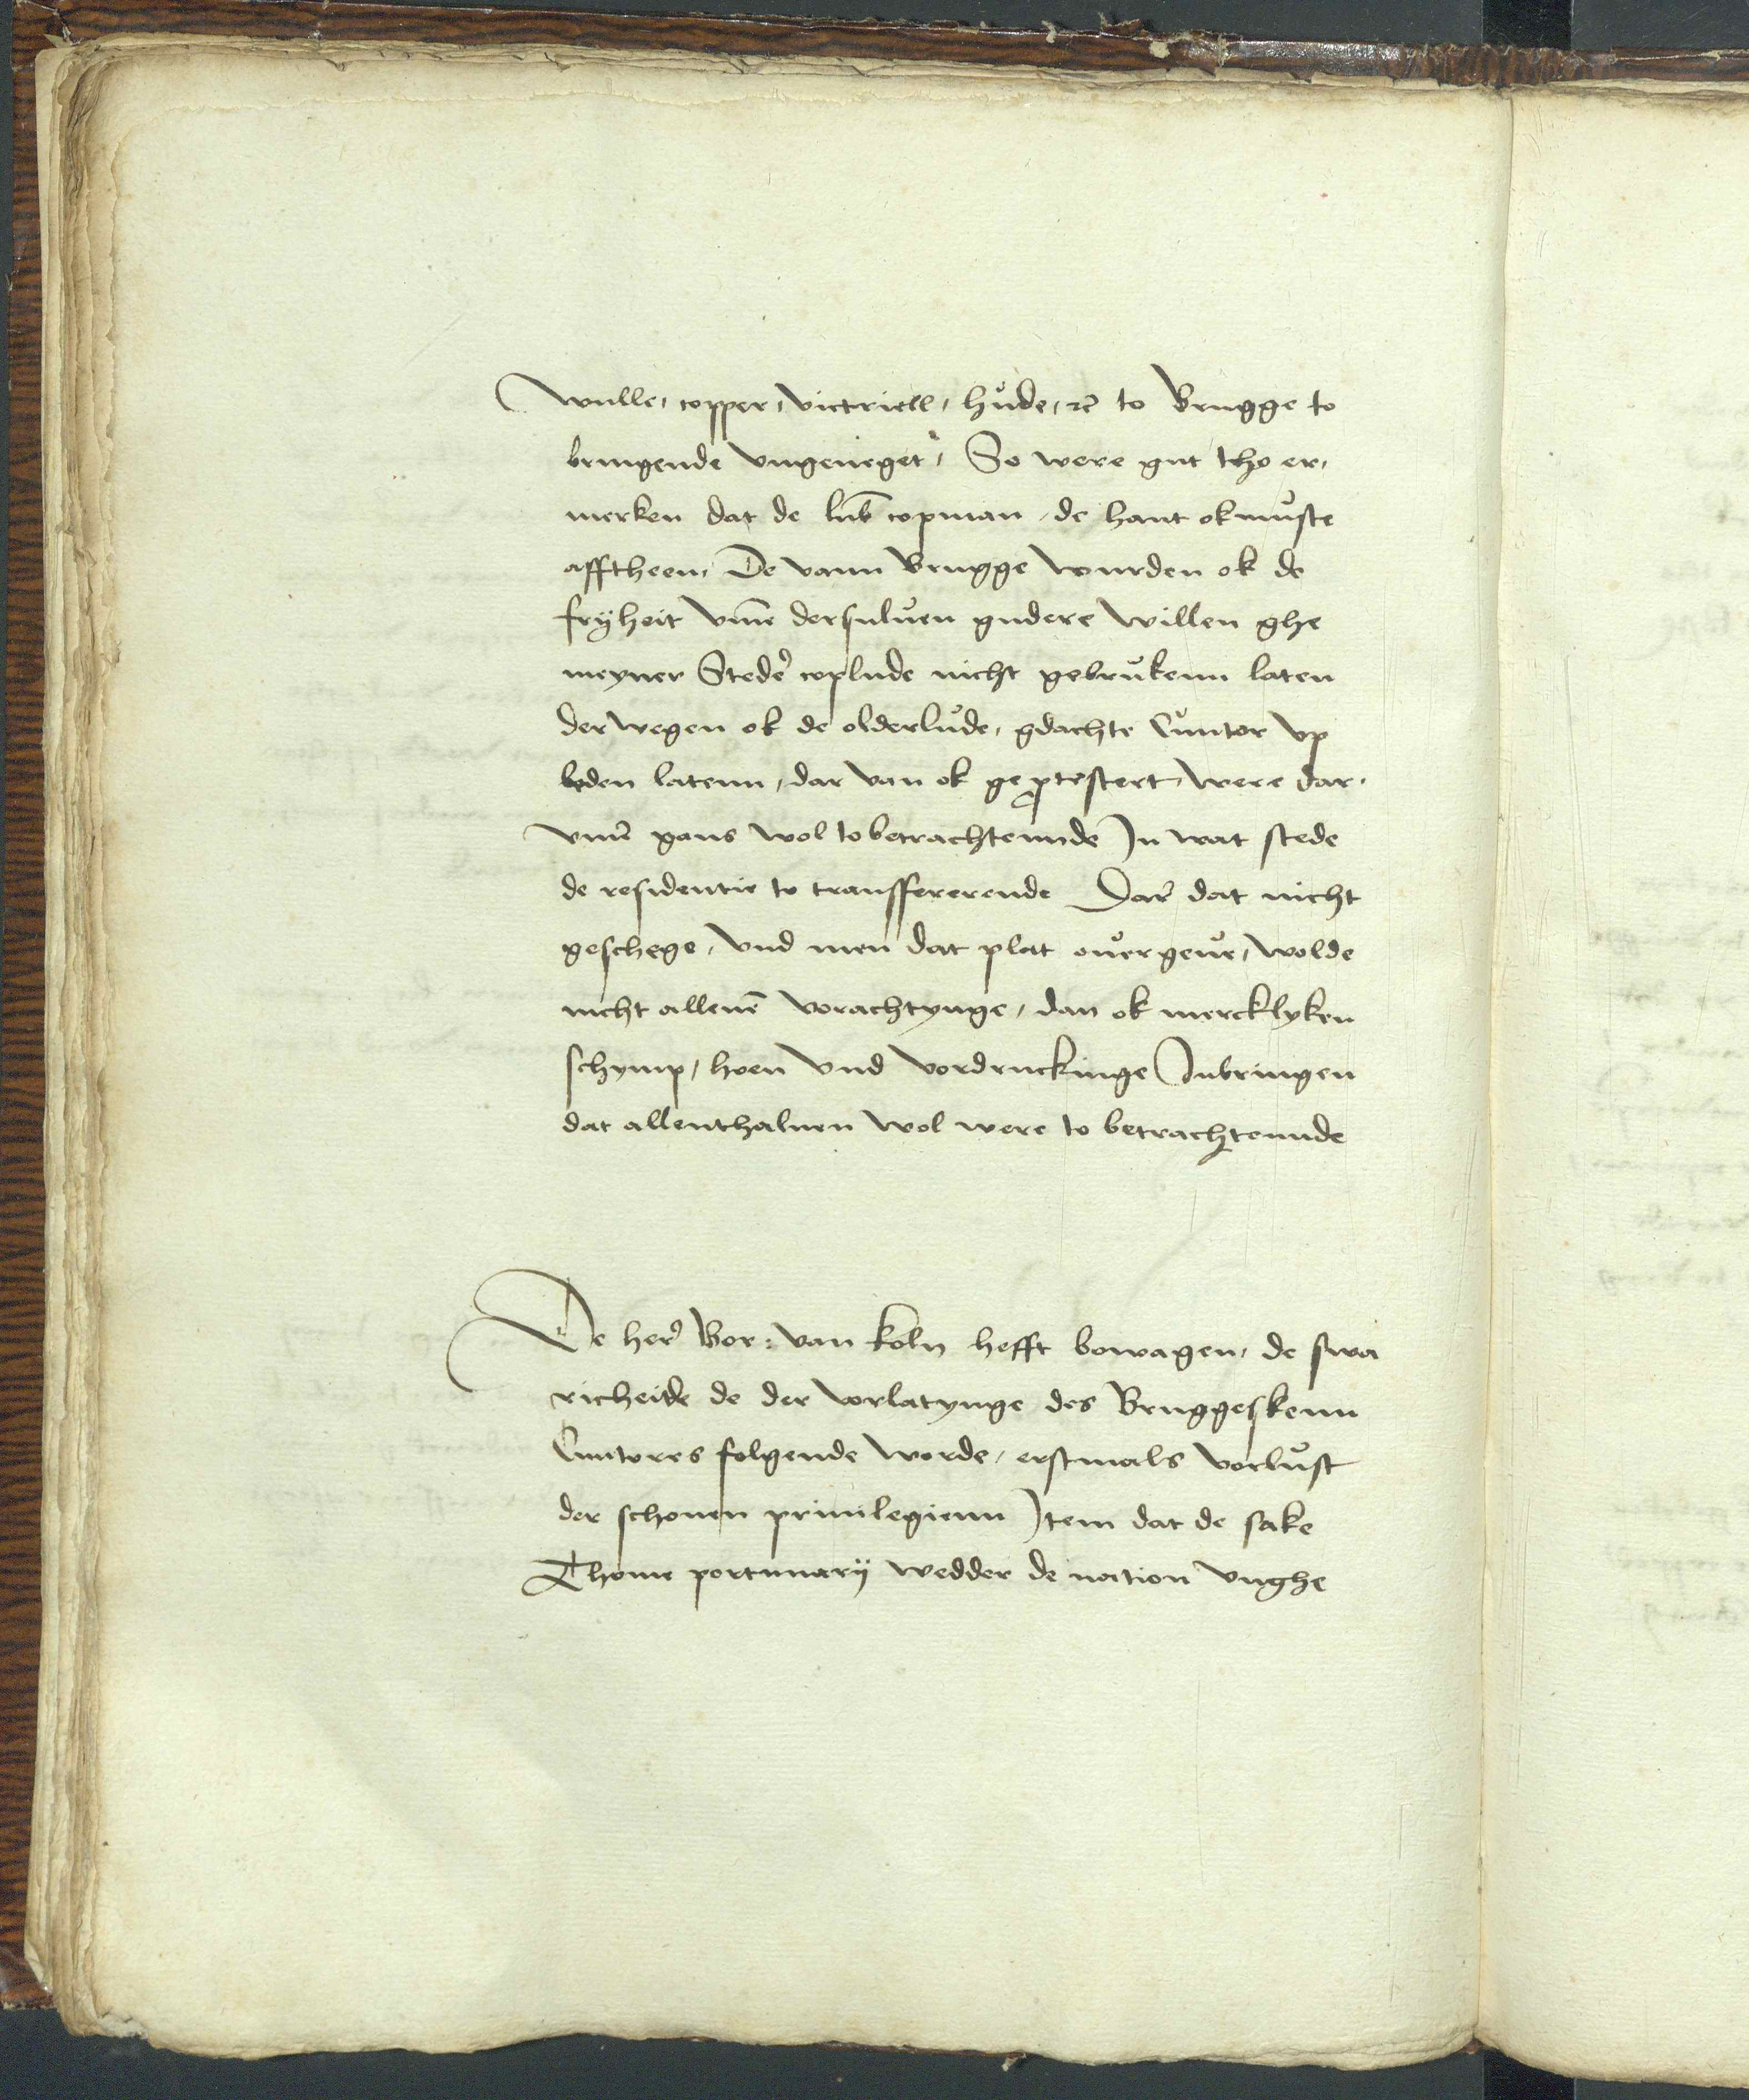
wulle, copper, victriell, hude, etc to Brugge to
bringende vngeneget, So were gut tho er¬
merken dat de lubesche copman, de hant ok muste
afftheen. De vann Brugge wurden ok de
frijheit vmme dersuluen gudere willen ghe¬
meyner Stede coplude nicht gebrukenn laten
derwegen ok de olderlude, gdachte Cuntor vp¬
beden laten, dar van ok geprotestert were dar¬
vmme gans wol to betrachtennde Jn wat stede
de residentie to transfererende Dar dat nicht
geschege, vnd men dat plat ouergeue, wolde
nicht allenen vorachtynge, dan ok mercklyken
schymp, hoen vnd vordruckinge Jnbringen
dat allenthaluen wol were to betrachtennde
De her Bor: van Koln hefft bowagen, de swa¬
richeide de der vorlatynge des Bruggeskenn
Cuntors folgende worde, erstmals vorlust
der schonen priuilegienn Item dat de sake
Thome portunarij wedder de nation vnghe¬
